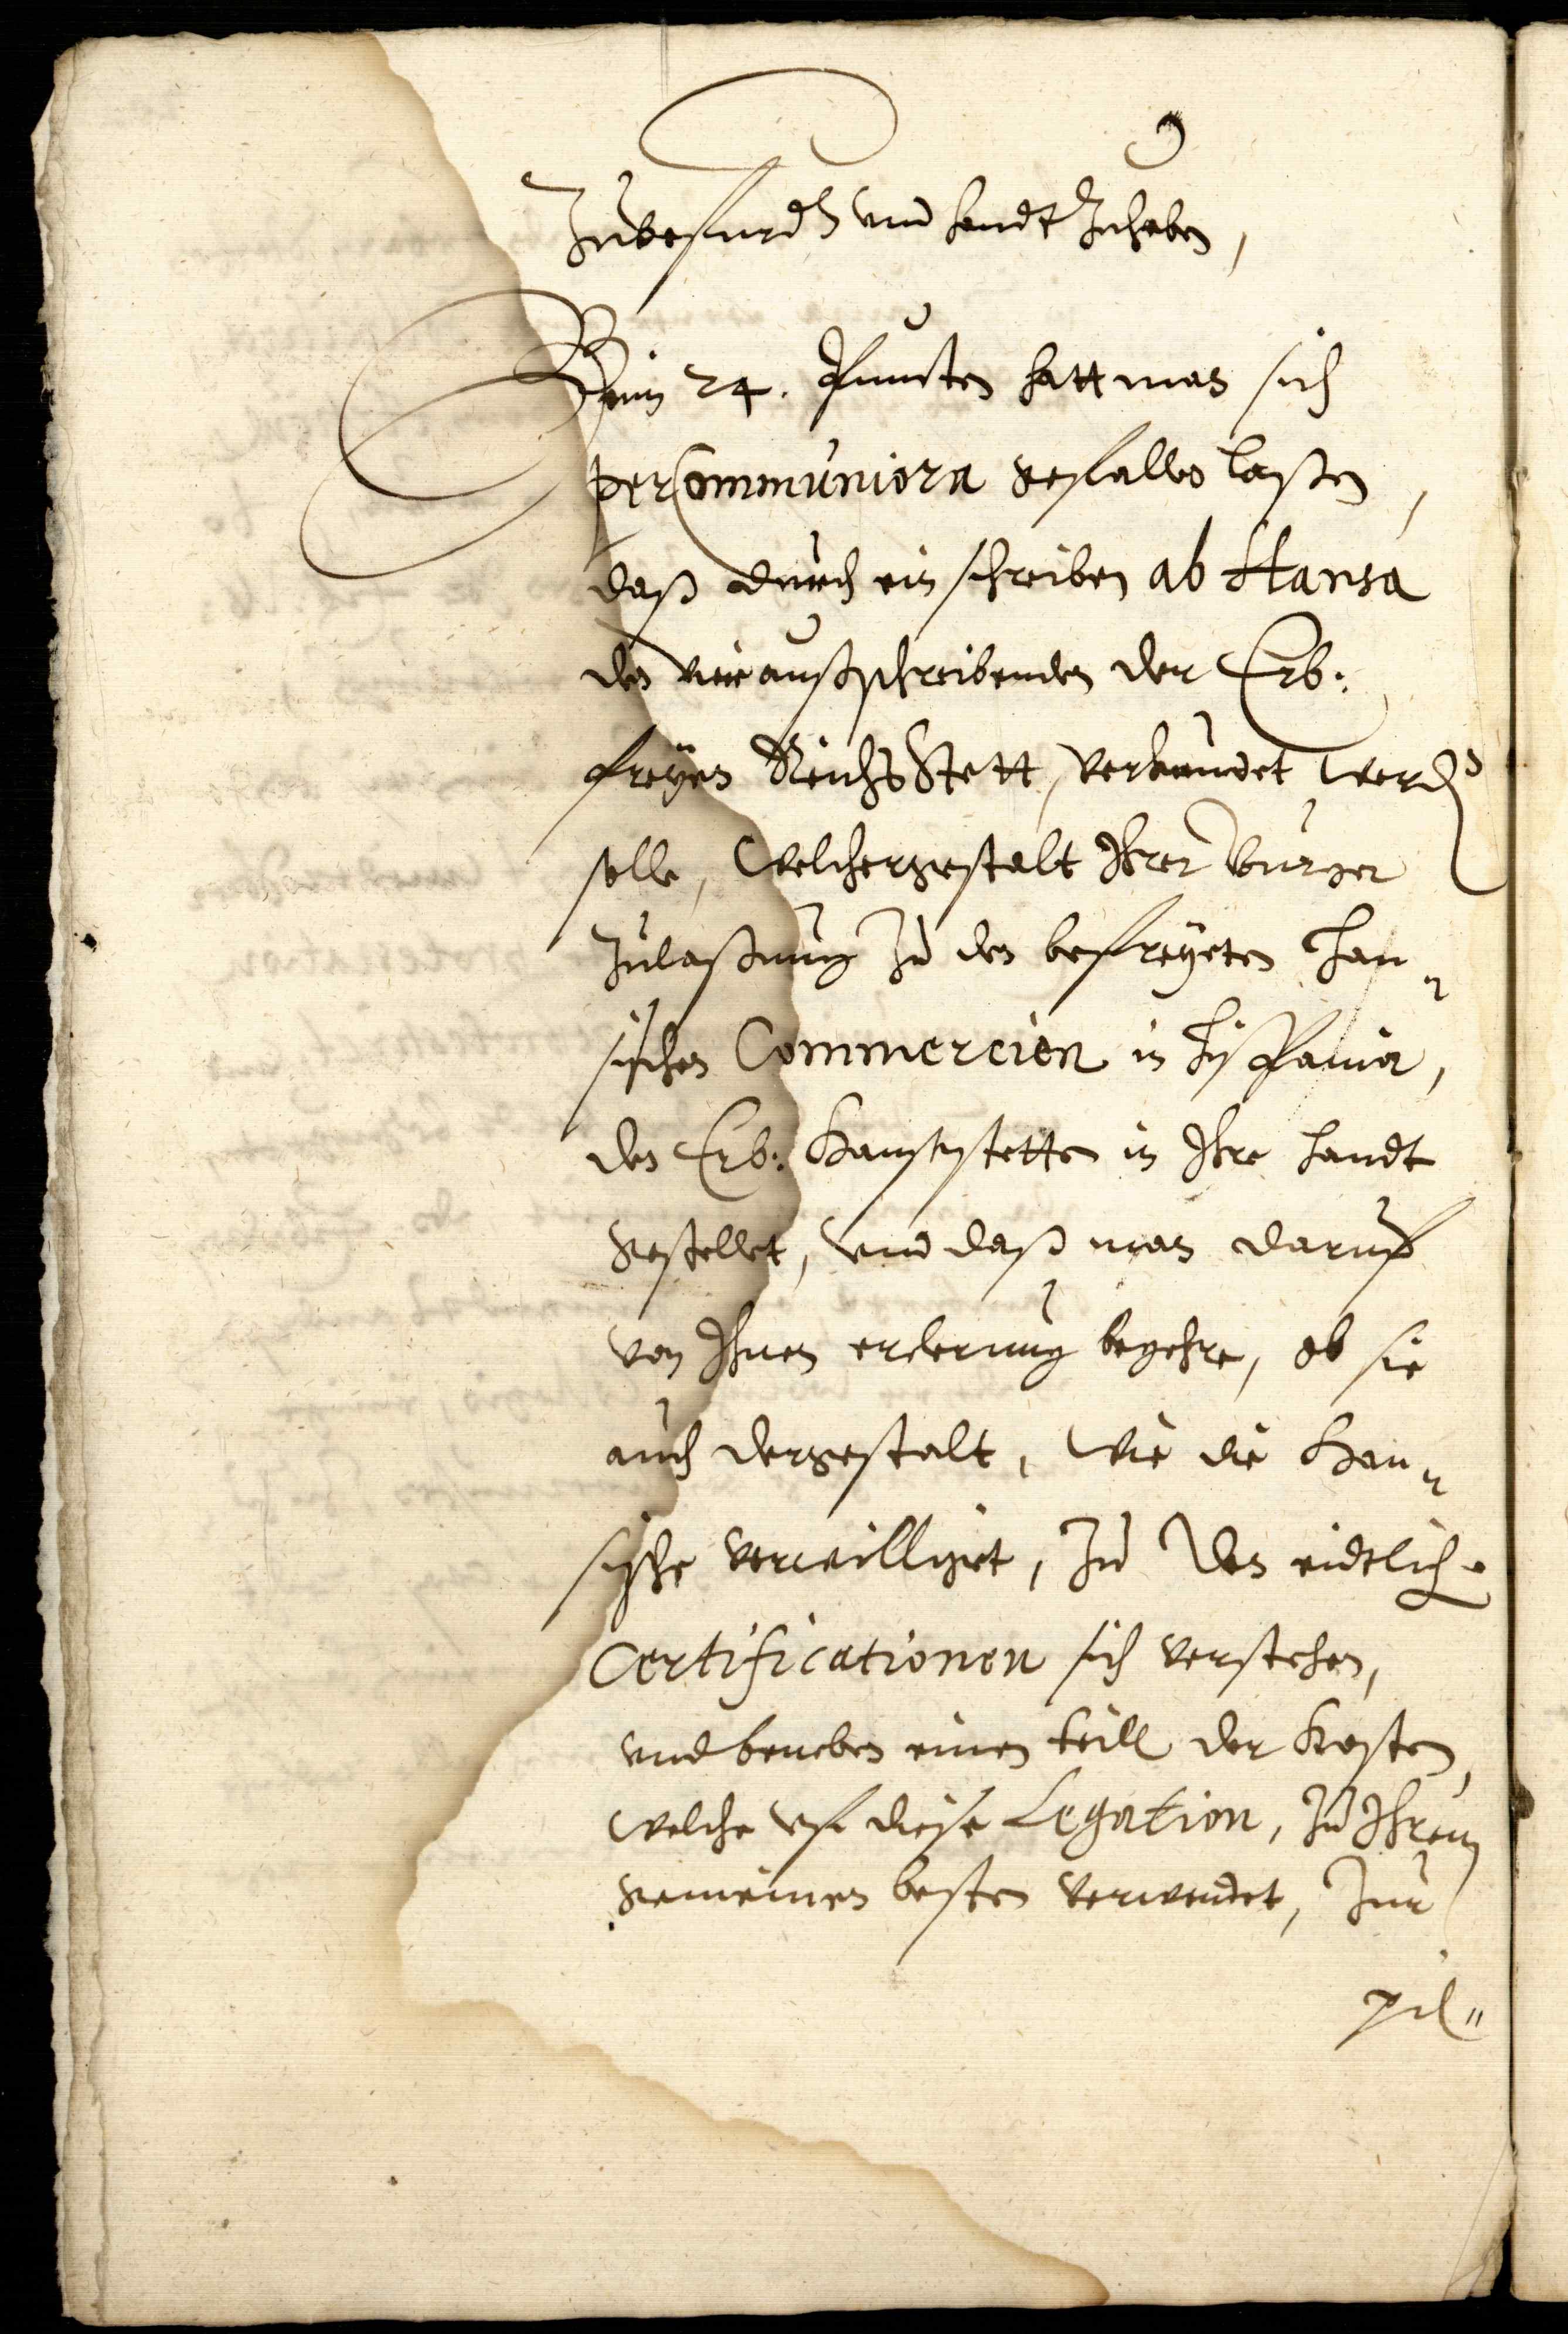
zubeherdlen vnd handtzuhaben ,
Beim 24. Puncten hatt man sich
percommuniora gefallen laßen ,
daß durch ein schreiben ab Hansa
den vier außschreibenden der Erb:
freyen Reichsstett verkundet werden
solle, welchergestalt Ihre Burger
zulaßung zu den befreijeten Han¬
sischen Commercien in Hispania ,
den Erb: Hansestetten in Ihrer handt
gestellet, vnd daß man darum
von Ihnen erclerung begehren, ob sie
auch dergestalt, wie die Han¬
sische konceilliget, zu des eidtlichen
certificationen sich verstehen ,
vnd beneben einen teill der kosten ,
welche vf diese Legation, in ihrem
gemeinen besten verwendet, zue
pil¬
